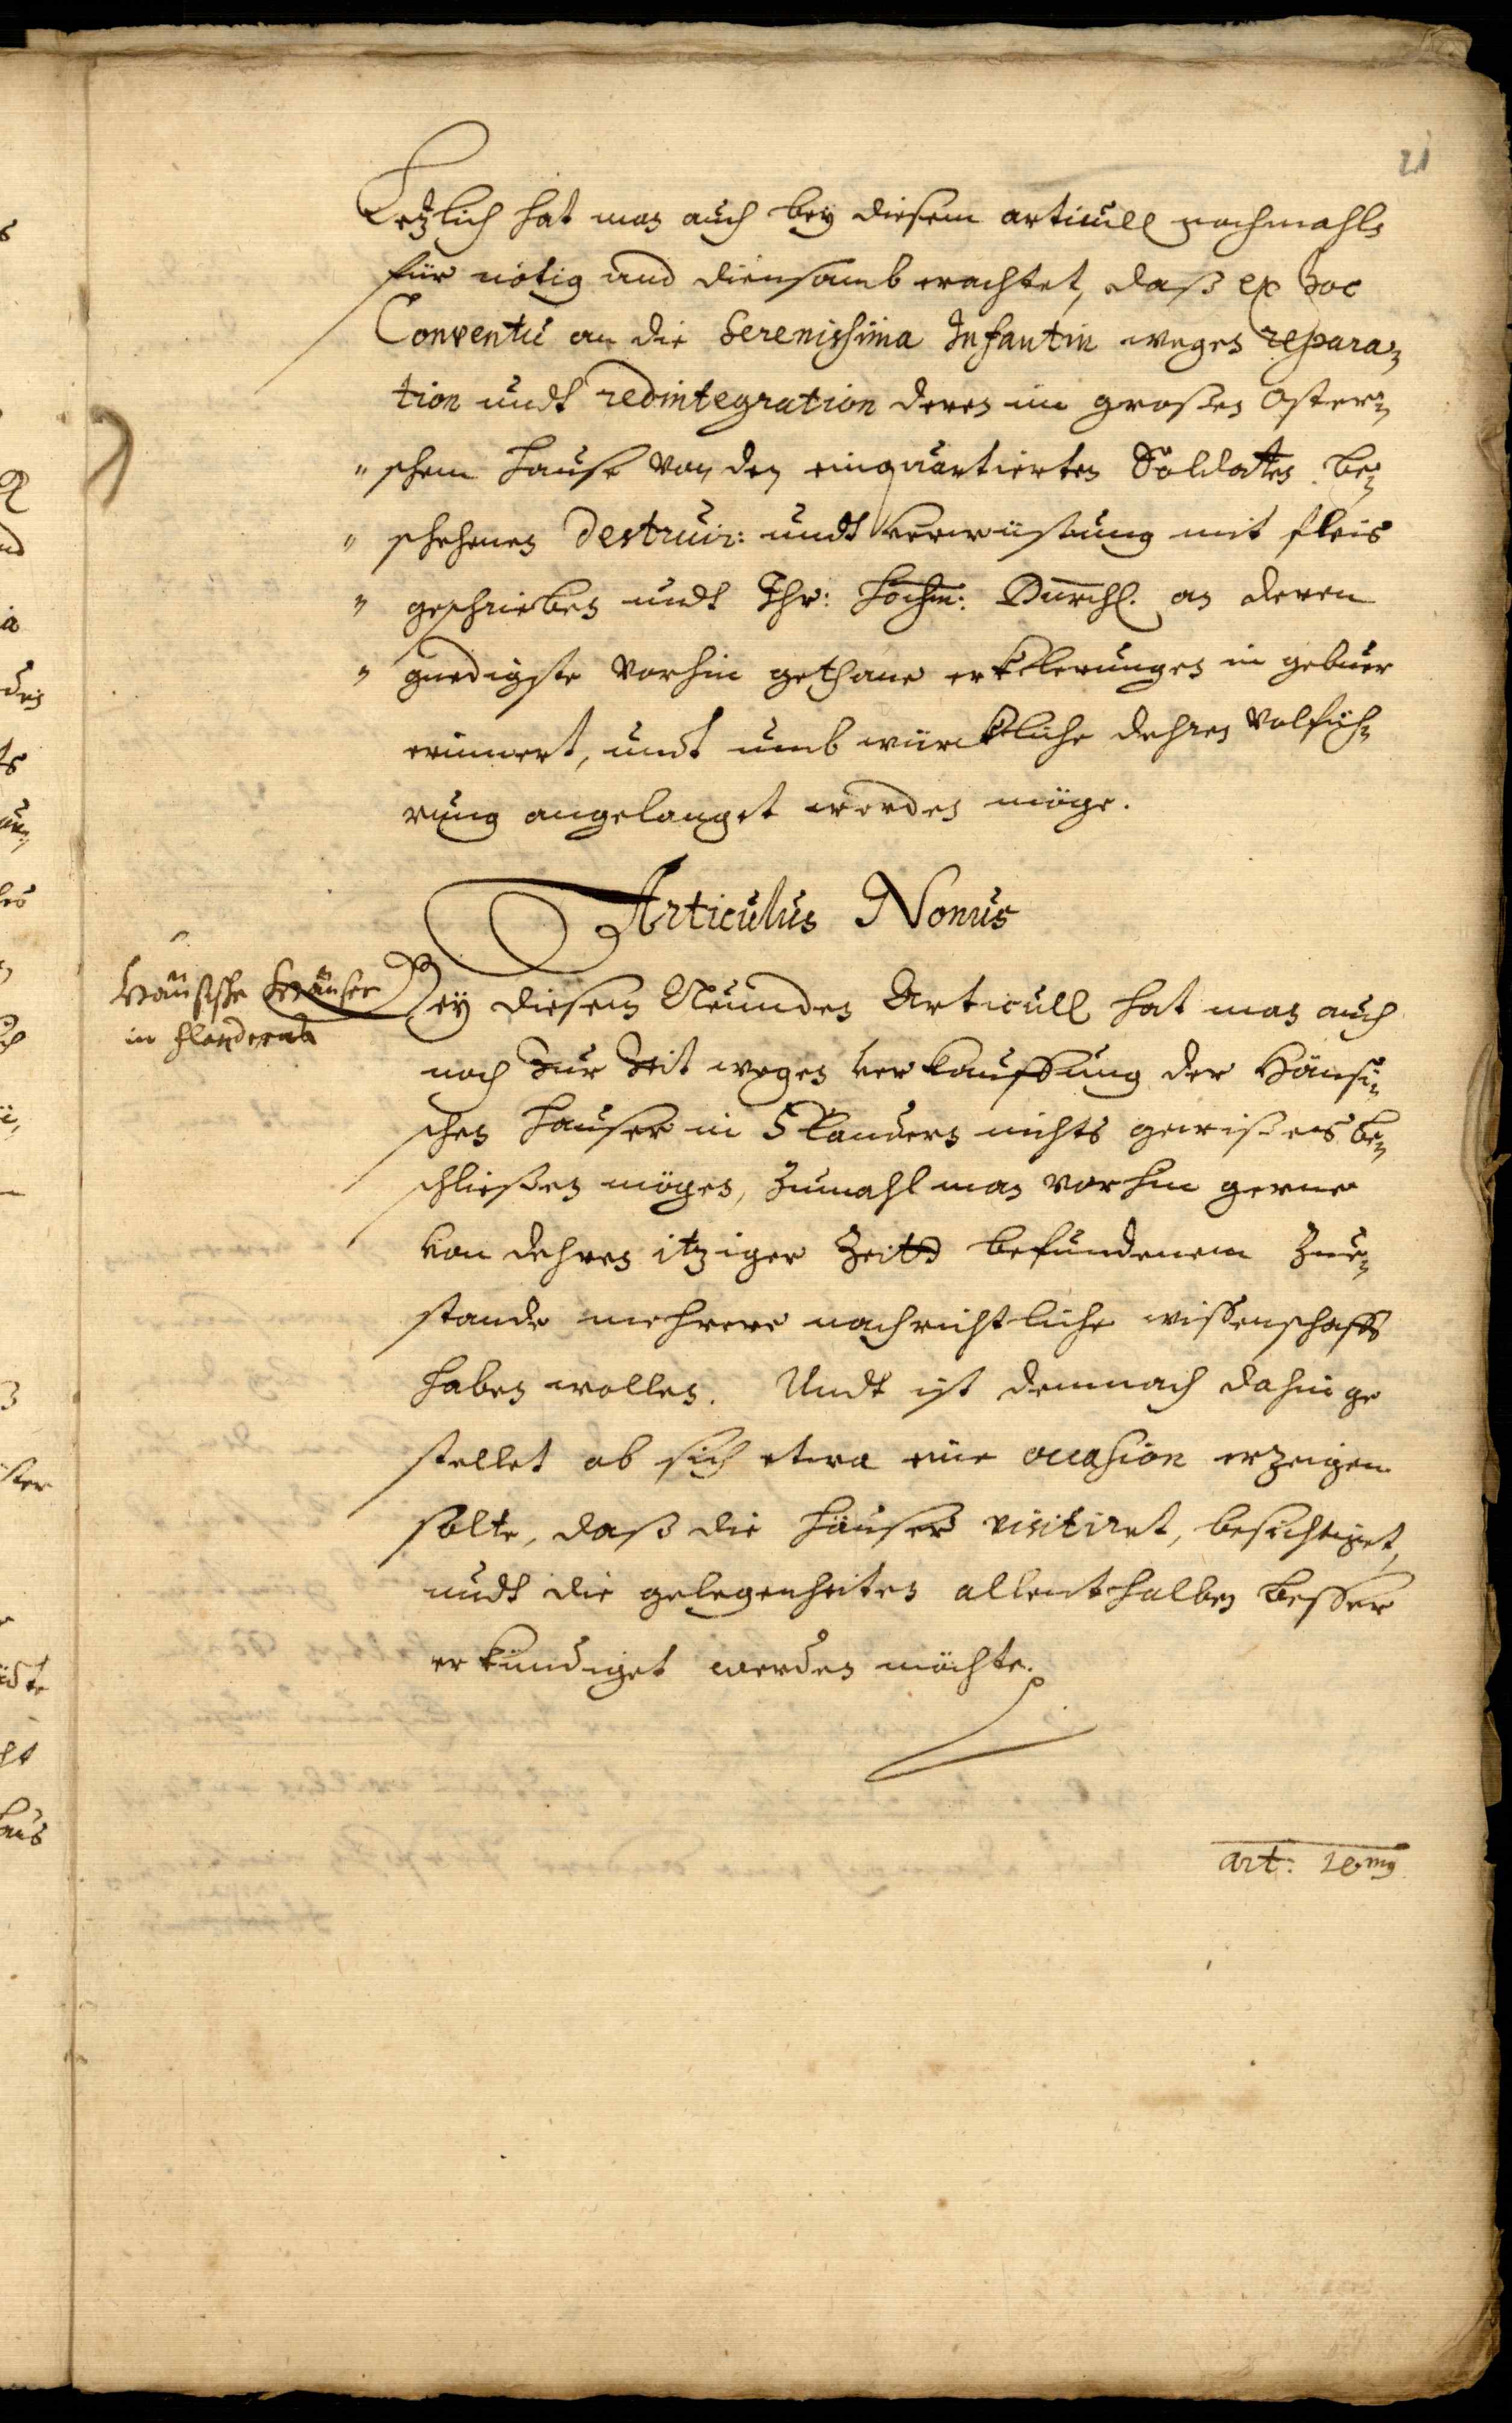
21
Letzlich hat man auch beij diesem articull nochmahln
für nötig und diensamb erachtet, daß ex hoc
Conventu an die Serenissima Infantin wegen repara¬
tion undt redintegration deren im großen Oster¬
schem hause von den einquartierten Soldaten be¬
schehenen destruir: undt verwüstung mit fleis
geschrieben undt Ihr: hochm: Durchl. an deren
gnedigste vorhin gethane erkclerungen in gebuer
erinnert, undt umb würckliche dehren Volführ¬
rung angelanget worden möge.
Hänsische Häuser
in flanderia
Articulus Nonus
Beij diesem Neunden Articull hat man auch
noch zur zeit wegen verkauffung der Hänsi¬
schen hauser in Flandern nichts gewißes be¬
schließen mögen, zumahl man vorhin gerne
von dehren itziger zeitt befundenem zue¬
stande mehrere nachrichtliche wissenschafft
haben wollen. Undt ist demnach dahin ge
stellet ob sich etwa eine occasion erzeigen
solte, daß die häuser visitiret, besichtiget,
undt die gelegenheiten allenthalben besser
erkündiget werden möchte.
art: 10mq
